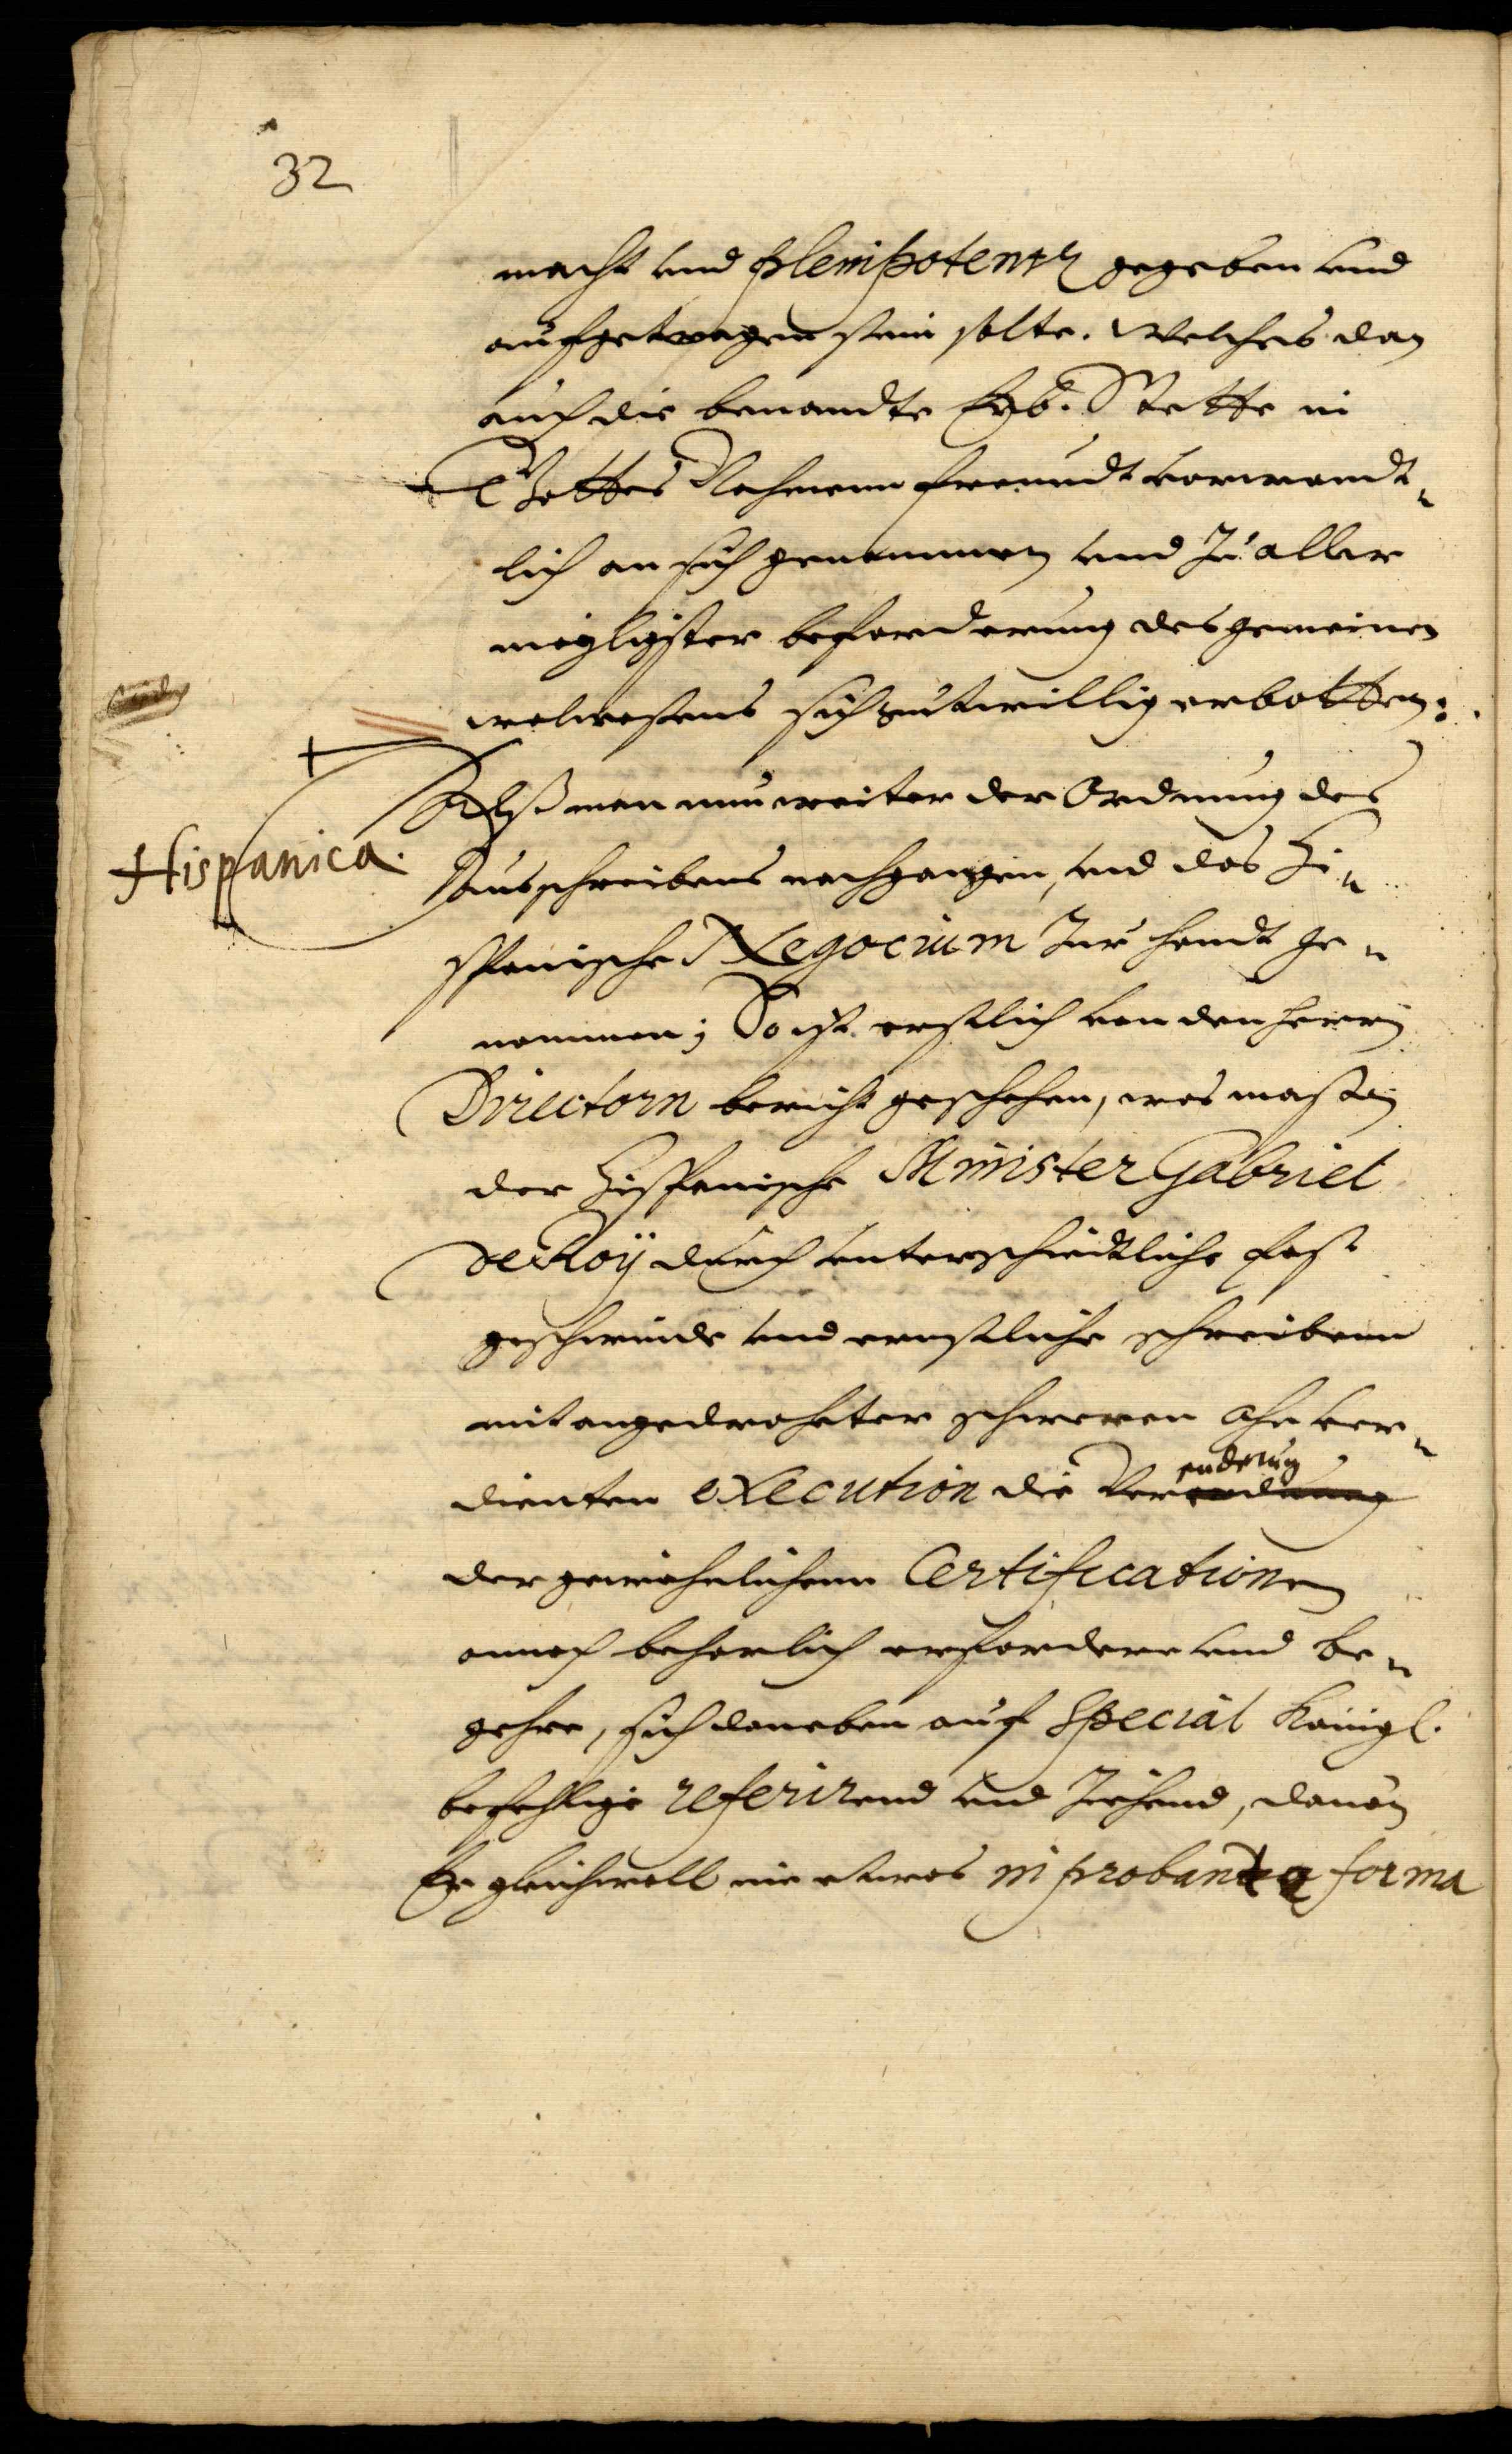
32
Hispanica
macht und plenipotentz gegeben vnd
aufgetragen sein solte. Welches dan
auch die benandte Erb. Stette in
Gottes Nahmenn freundt verwandt¬
lich an sich genommen und Zu aller
mögligster beforderung des gemeinen
wolwesens sich gutwillig erbotten:
Alß man nun weiter der Ordnung des
Ausschreibens nachgangen, und das Hi¬
spanische Negocium Zur handt ge¬
nommen; So ist erstlich von den herrn
Directorn bericht geschehen, was maßen
der Hispanische Minister Gabriel
der Roij durch unterschiedtliche fast
geschwinde und ernstliche schreibenn
mit angedroheter schweren ahn ver¬
enderung
dienten execution die Verenderung
der gewöhnlichenn Certificationen
annoch behorlich erfordere vnd be¬
gehre, sich daneben auf special königl.
befehlige referirend vnd ziehend, davon
Er gleichwoll im etwas in probante forma
